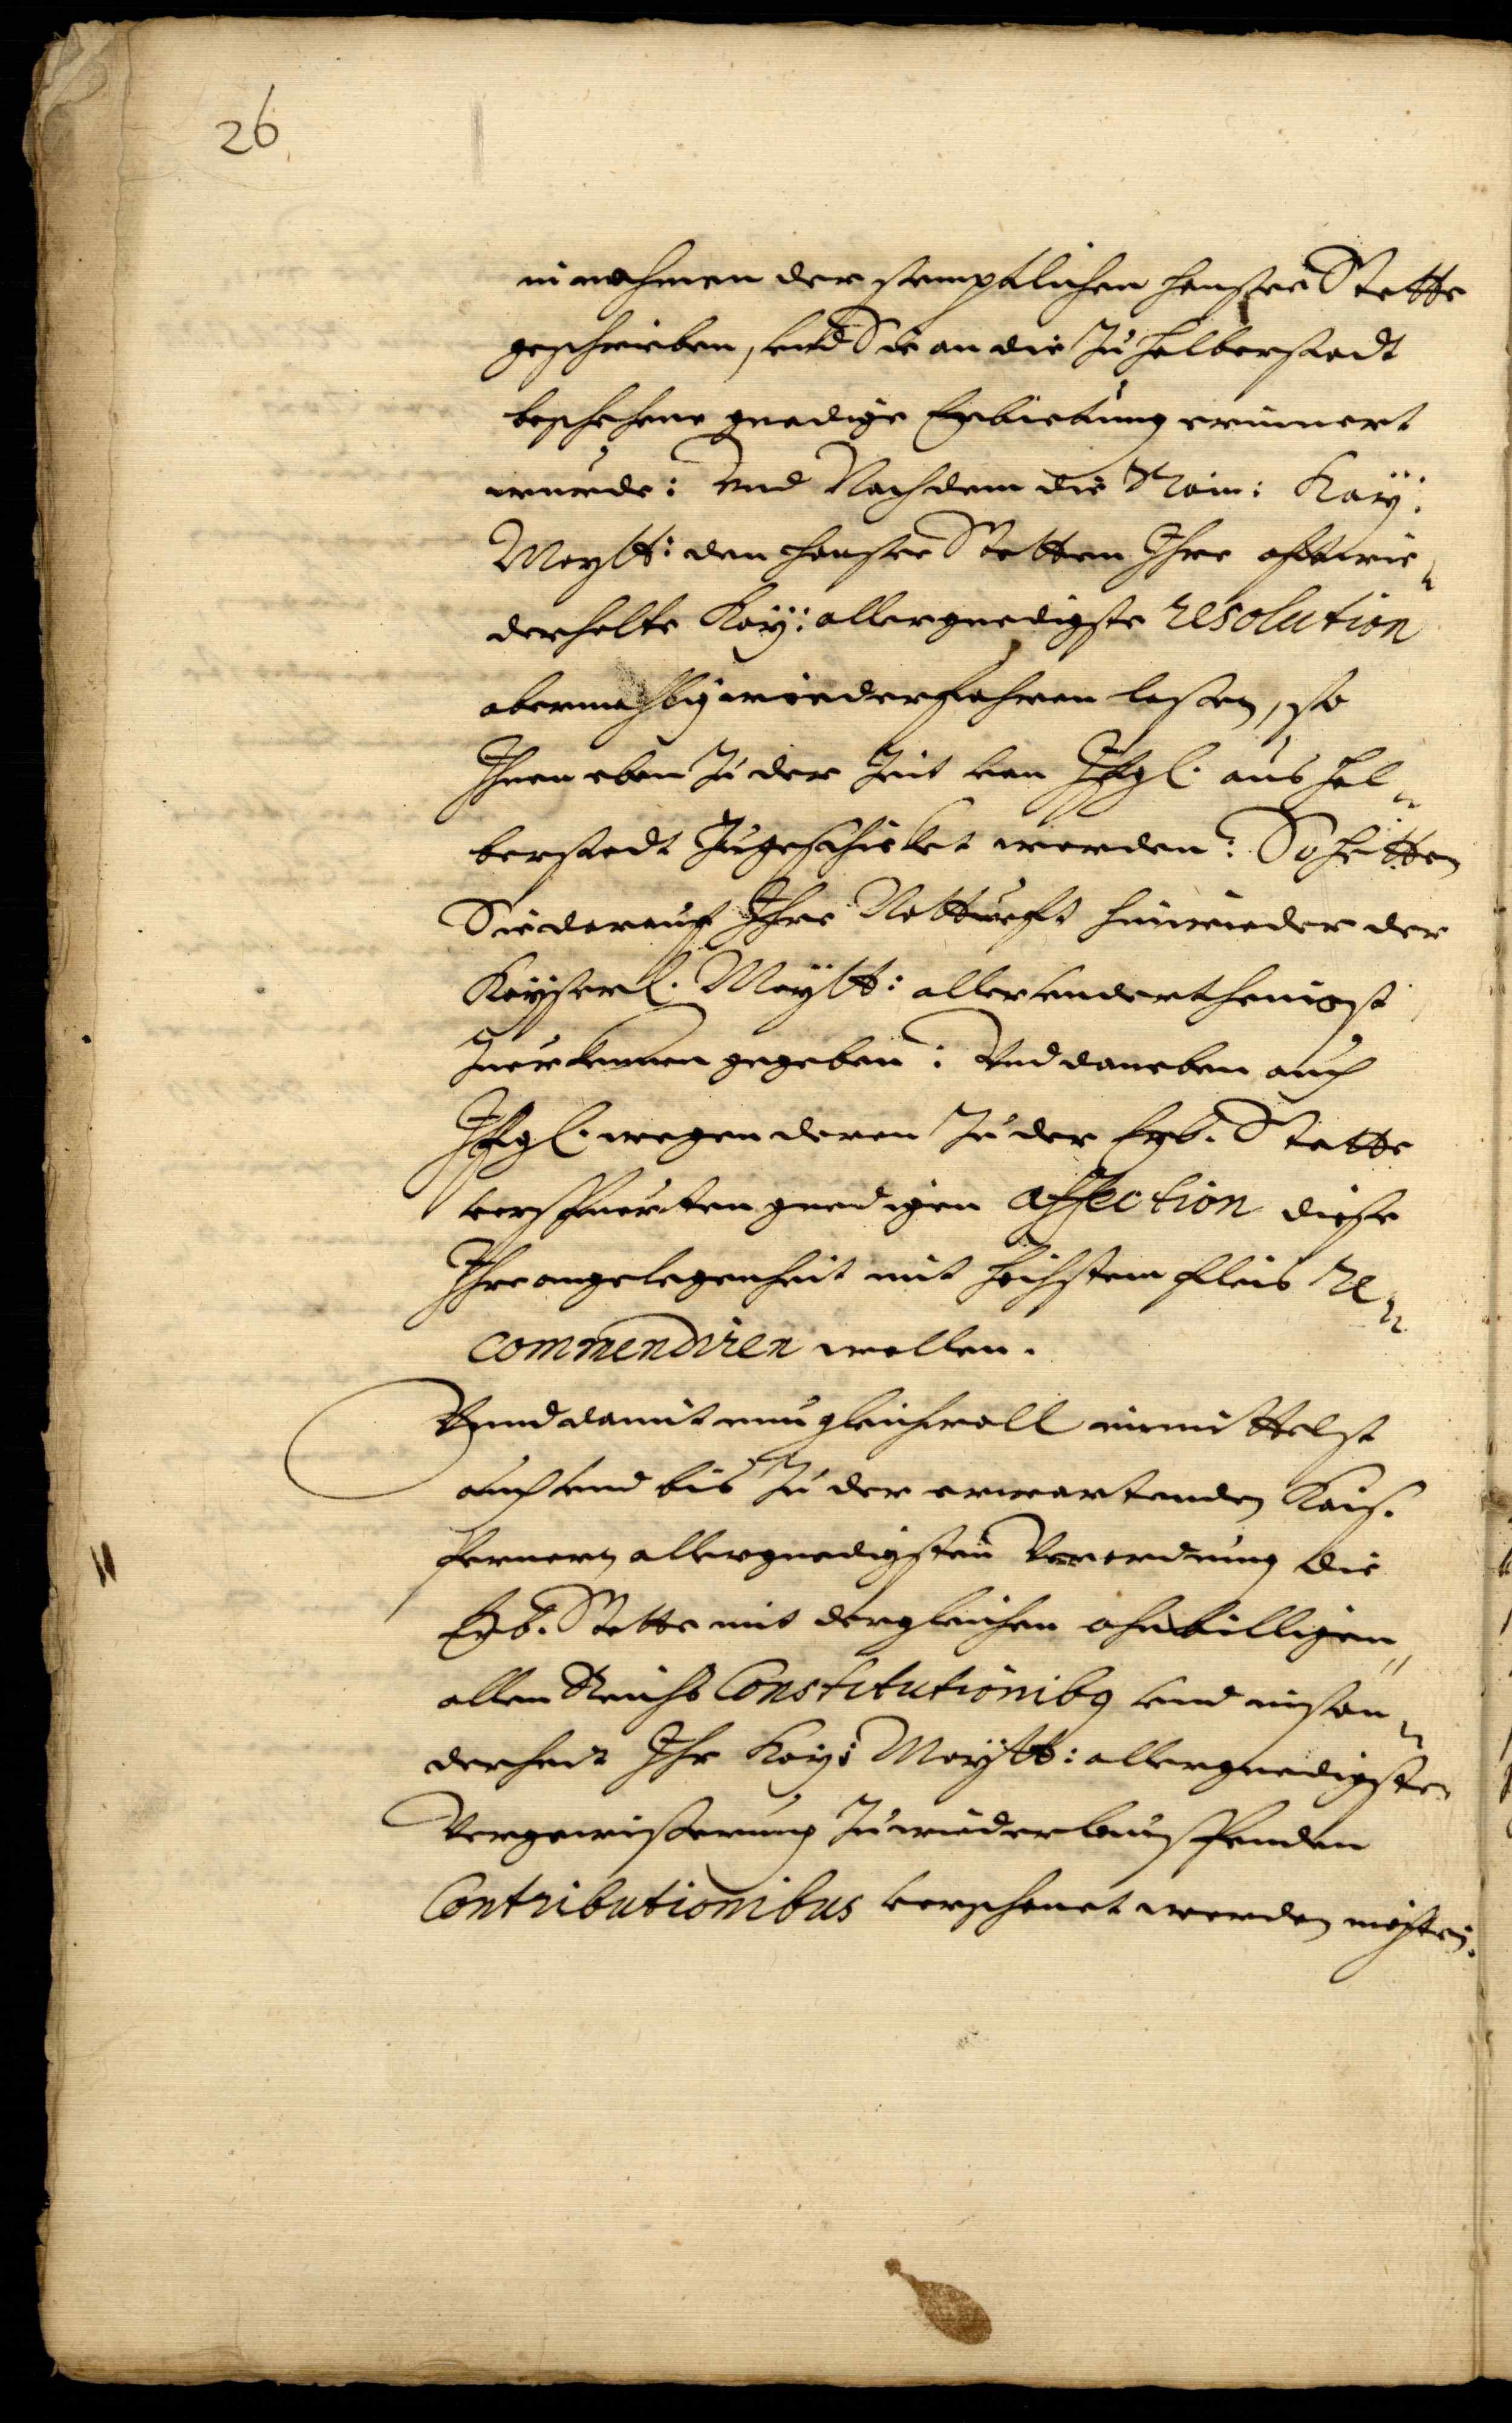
26
in nahmen der semptlichen hansee Stette
geschrieben, vnd Sie an die zu halberstadt
beschehene gnadige Erbietung erinnert
wurde: Vnd Nachdem die Röm: Kaij:
Maytt: den hansee Stetten Ihre oftwie¬
derholte Kaij: allergnedigste resolution
abermahlig wiederfahren laßen, so
Ihnen eben zu der zeit van Ifgl. aus hal¬
berstedt zugeschicket worden: So hetten
Sie darauf Ihre Notturft hinwieder der
Kaijserl. Maijtt: allerunderthenigst
zuerkennen gegeben: Vnd daneben auch
Ifgl. wegen deren zu der Erb. Stette
verspuerten gnedigen affection diese
Ihre angelegenheit mit höchstem fleis re¬
commendiren wollen.
Vnnd damit nun gleichwoll immittelst
auch vnd bis zu der erwartenden Kais.
fernern allergnedigsten Verordnung die
Erb. Stette mit dergleichen ohnbilligen
allen Reichs Constitutionibus vnd inson¬
derheit Ihr Kaij: Maijtt: allergnedigsten
Vergewißerung zuwiederlauffenden
Contributionibus verschenet werden möchten:
